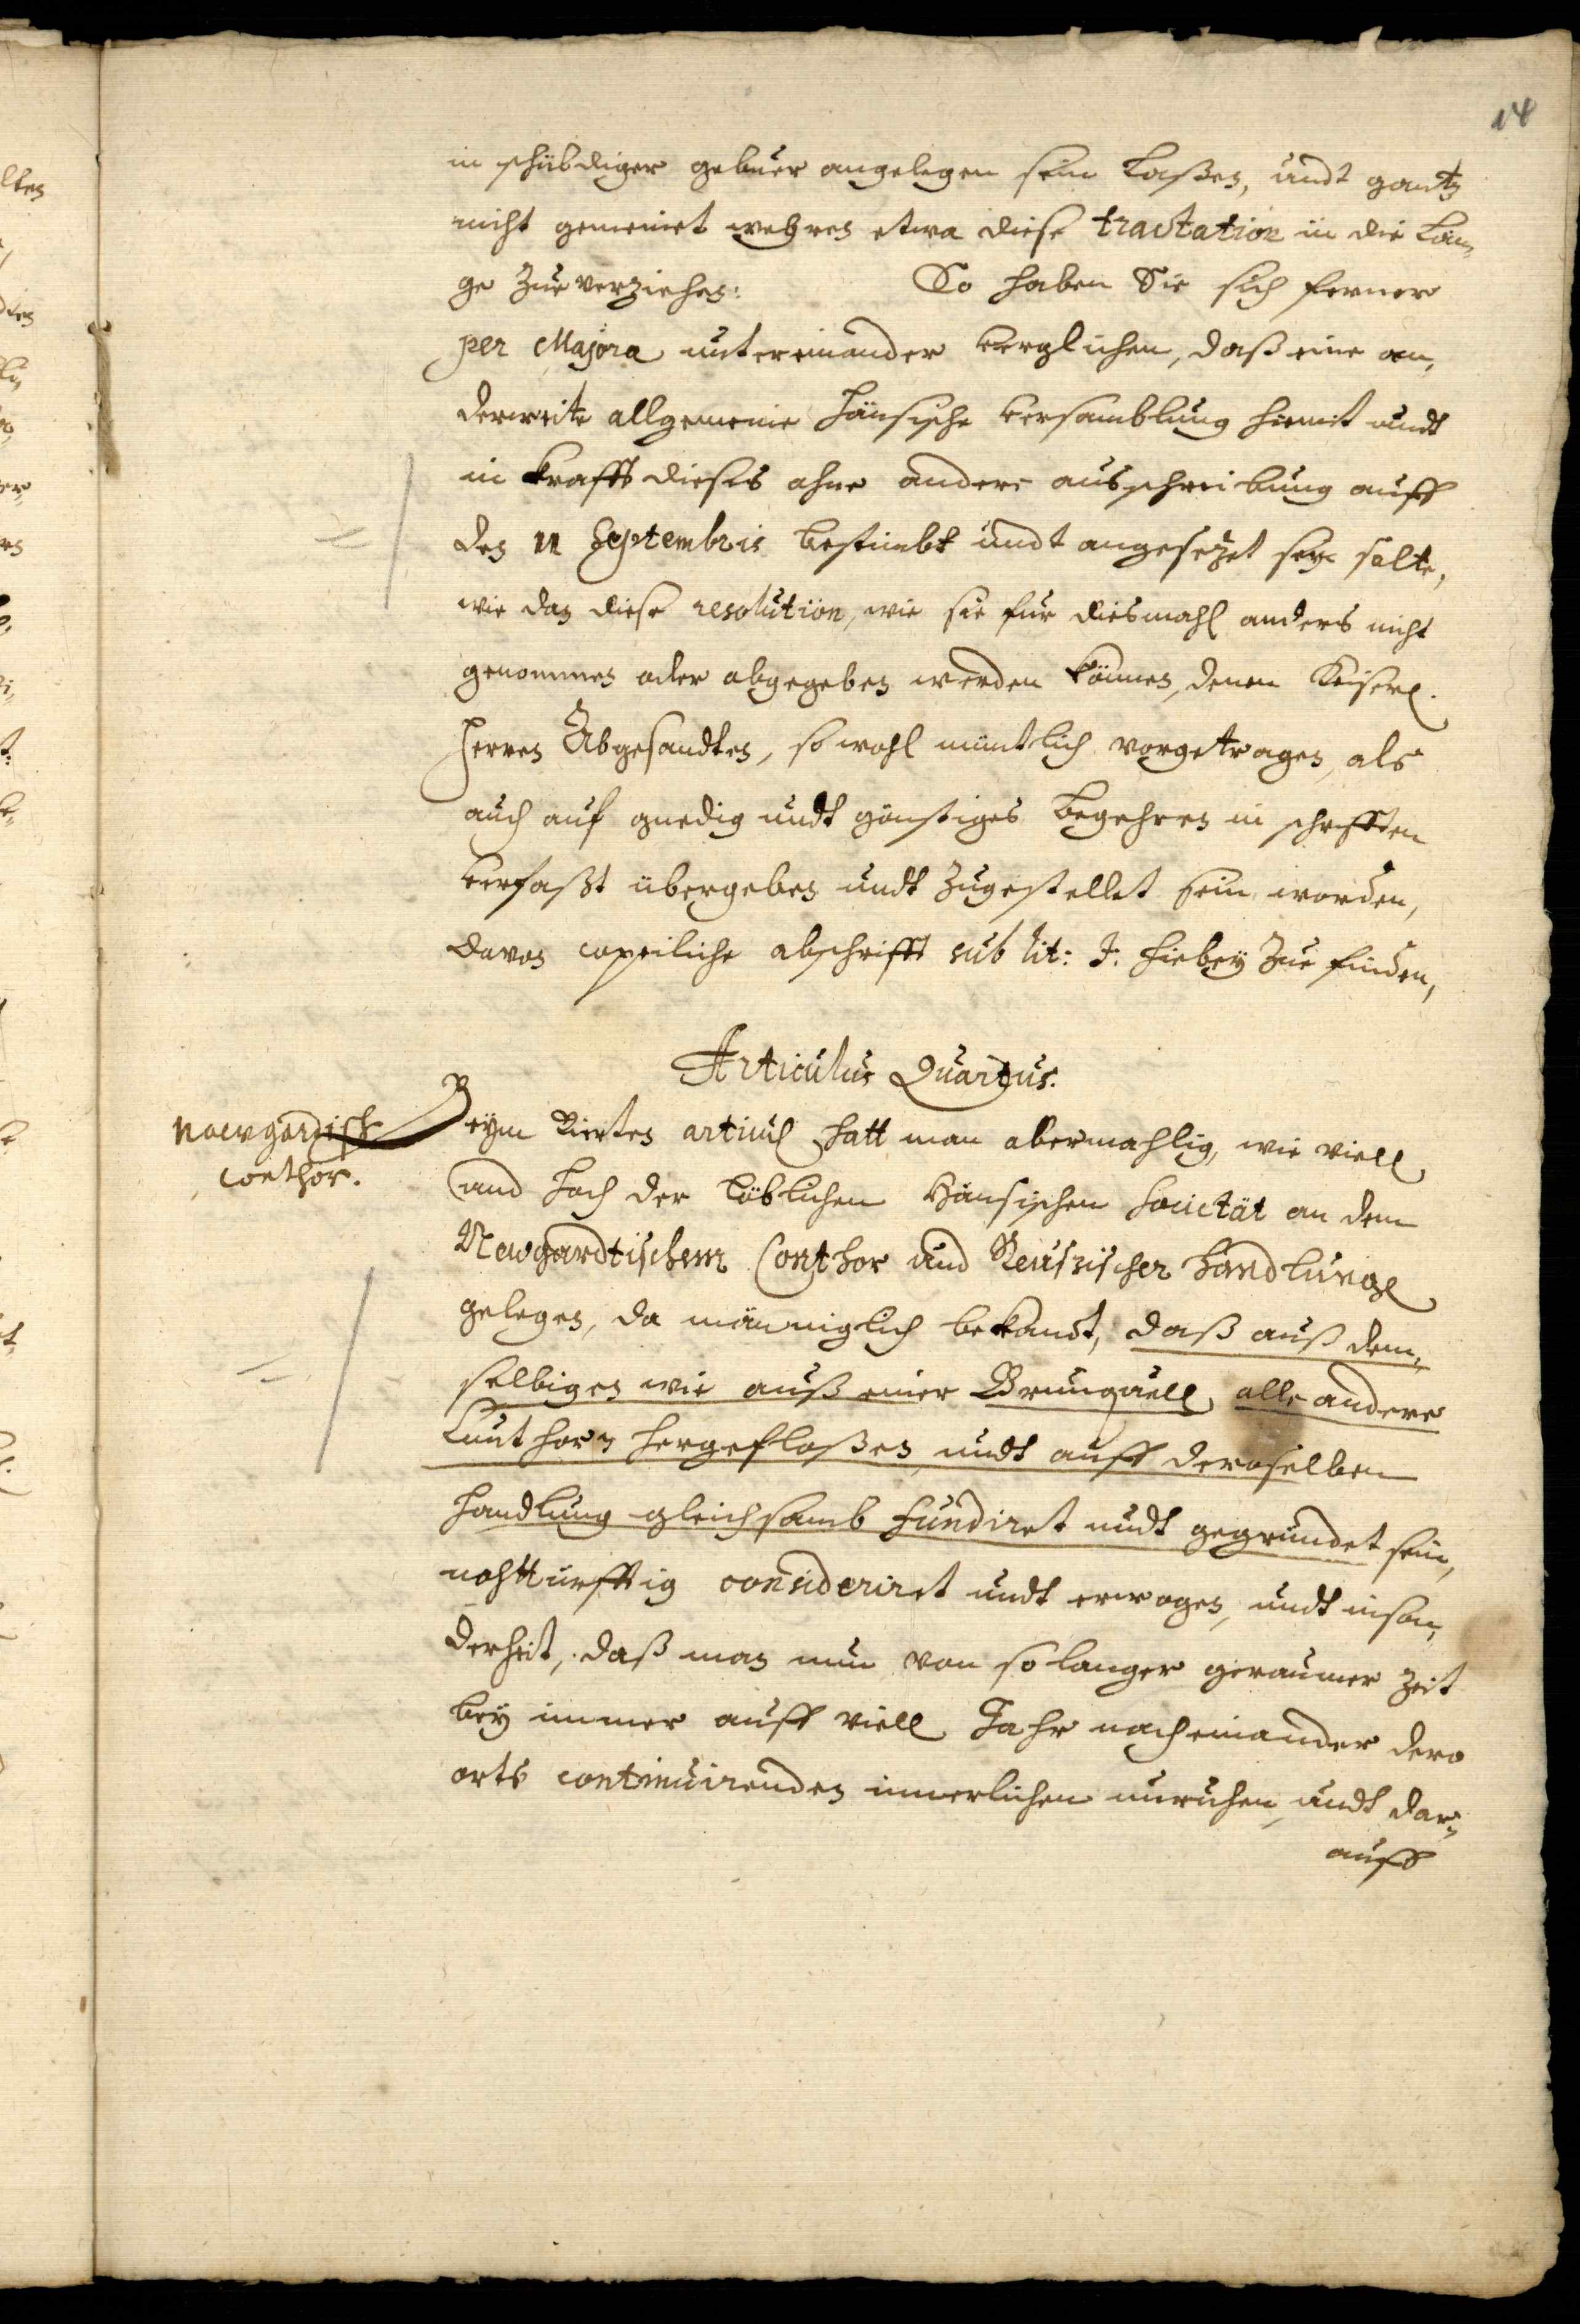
14
nawgardisch
conthor.
in schüldiger gebuer angelegen sein laßen, undt gantz
nicht gemeinet wehren etwa diese tractation in die län¬
ge ze verziehen: So haben Sie sich ferner
per Majora untereinander verglichen, daß eine an¬
derweite allgemeine hänsische versamblung hiemit undt
in krafft dieses ohne andere ausschreibung auff
den 11 Septembris bestimbt undt angesetzet seijn solte,
wie dan diese resolution, wie sie fur diesmahl anders nicht
genommen oder abgegeben werden können, denen Keiserl.
herren Abgesandten, so wohl müntlich vorgetragen, als
auch auf gnedig undt gönstiges begehren in schrifften
verfaßt übergeben undt zugestellet sein worden,
Davon copeiliche abschrifft sub lit: I. hiebeij zue finden,
Articulus Quartus.
Beijm Vierten articul hatt man abermahlig, wie Viell
und hoch der löblichen Hänsischen Societät an dem
Newgardtischem Conthor und Reuszischer handlunge
gelegen, da männiglich bekandt, daß auß dem¬
selbigen wie auß einer Brunquell alle andere
Cunthorn hergefloßen, undt auff deroselben
handlung gleichsamb fundiret undt gegründet sein,
nohttürfftig consideriret undt erwogen, undt inson¬
derheit, daß man nun von so langer geraumer zeit
beij immer auff viell Jahr nacheinander dero
orts continuirenden innerlichen unruhen, undt dar¬
auff
